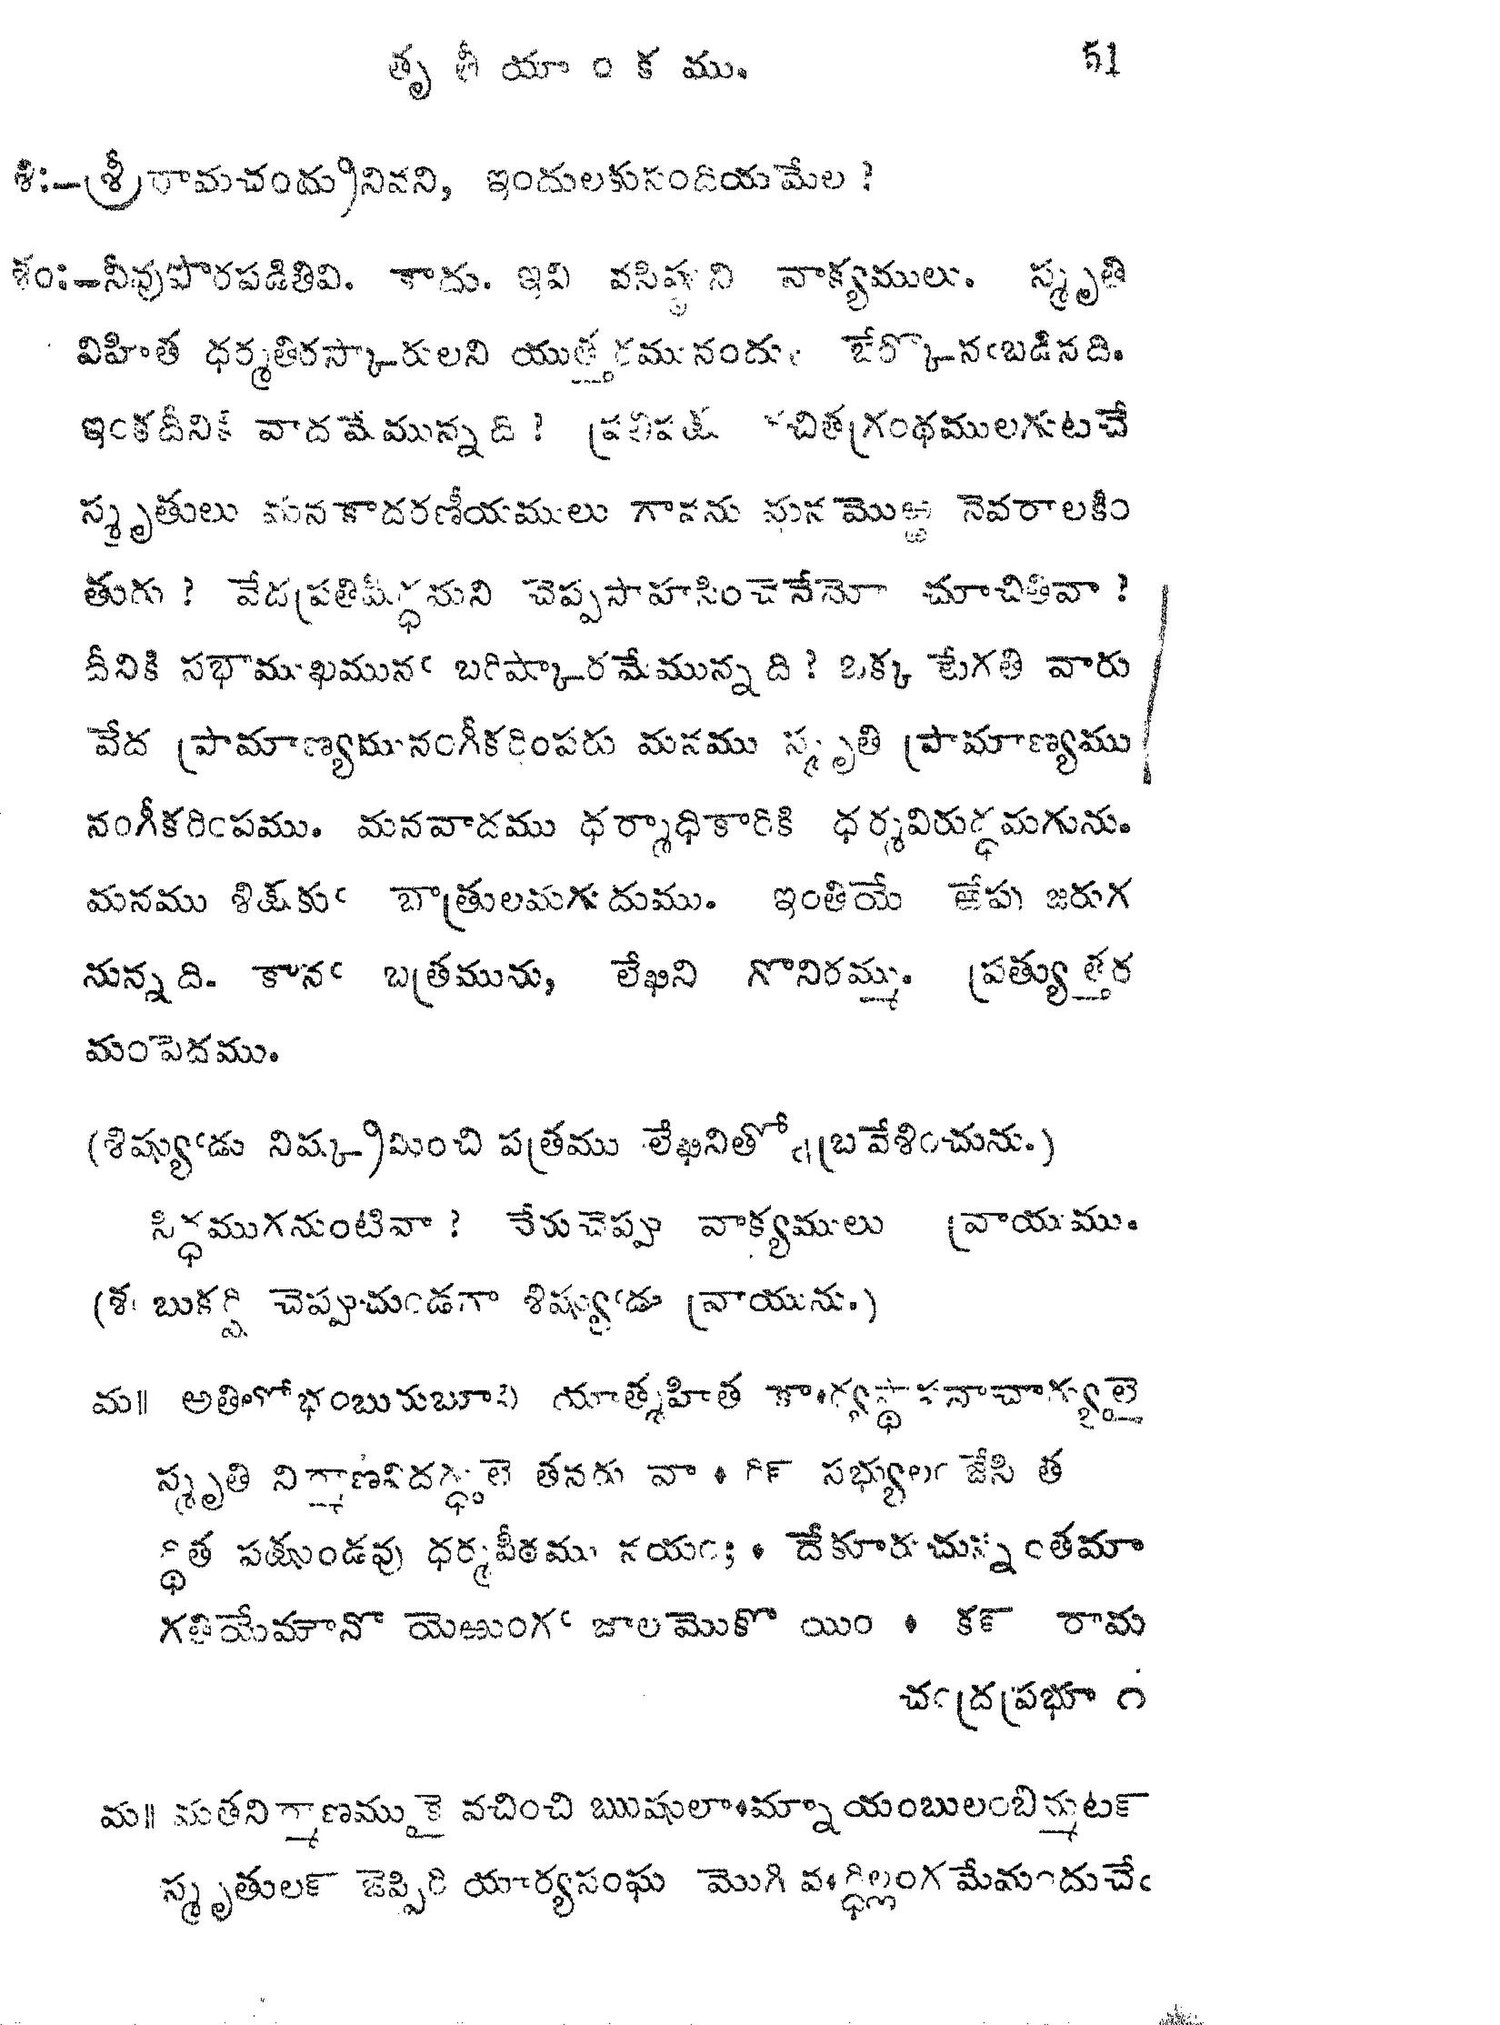శి:- శ్రీ రామచంద్రునివని, ఇందులకు సందియమేల ?

శం:- నీవు పొరపడితివి. కాదు. ఇవి వసిష్టుని వాక్యములు. స్మృతి
 విహిత ధర్మ తిరస్కారులని యుత్తరమునందు: జేర్కొనఁబడినది.
 ఇంకదీనికి వాదమే మున్నది ! ప్రతిపక్ష రచిత గ్రంథములగుటచే
 స్మృతులు మన కాదరణీయములు గావను మన మొఱ నెవరాలకిం
 తురు ! వేదప్రతి షిద్దమని చెప్పసాహసించె నేమో చూచితివా !
 దీనికి సభాముఖమునఁ బరిష్కార మేమున్నది ? ఒక్కటేగతి వారు
 వేద ప్రామాణ్యము నంగీకరింపరు మనము స్మృతి ప్రామాణ్యము
 నంగీకరింపము. మనవాదము ధర్మాధి కారికి ధర్మ విరుద్ధమగును.
 మనము శిక్షకుఁ బాత్రుల మగుదుము. ఇంతియే ఱేపు, జరుగ
 నున్నది. కానఁ బత్రమును, లేఖిని గొనిరమ్ము. ప్రత్యుత్తర
 మంపెదము.

 (శిష్యుఁడు నిష్క్రమించి పత్రము లేఖినితోఁ బ్రవేశించును.)
 సిద్ధముగనుంటివా ! నేను చెప్పు వాక్యములు వ్రాయము.
 (శంబుక చెప్పుచుండగా శిష్యుడు వ్రాయును.)

 మ|| అతిలోభంబుకుబూని యూత్మహిత కార్యస్థానాచార్యులై
 స్మృతి నిర్మాణవిదగ్దులై తనరు వారిన్ సభ్యులఁ జేసి త
 ద్దిత పక్షుండవు ధర్మపీఠము నయం దేకూరు చుస్నంతమా
 గతియేమౌనొ యెఱుంగఁ జాల మొకొ యింకన్ రామచంద్రప్రభూ...1

 మ! మతనిర్మాణము కై వచించి ఋషులామ్నాయంబులంబిమ్మటన్
 స్మృతులన్ చెప్పిరి యార్యసంఘ 'మొగి వర్దిల్లంగ మేమందుచే
.